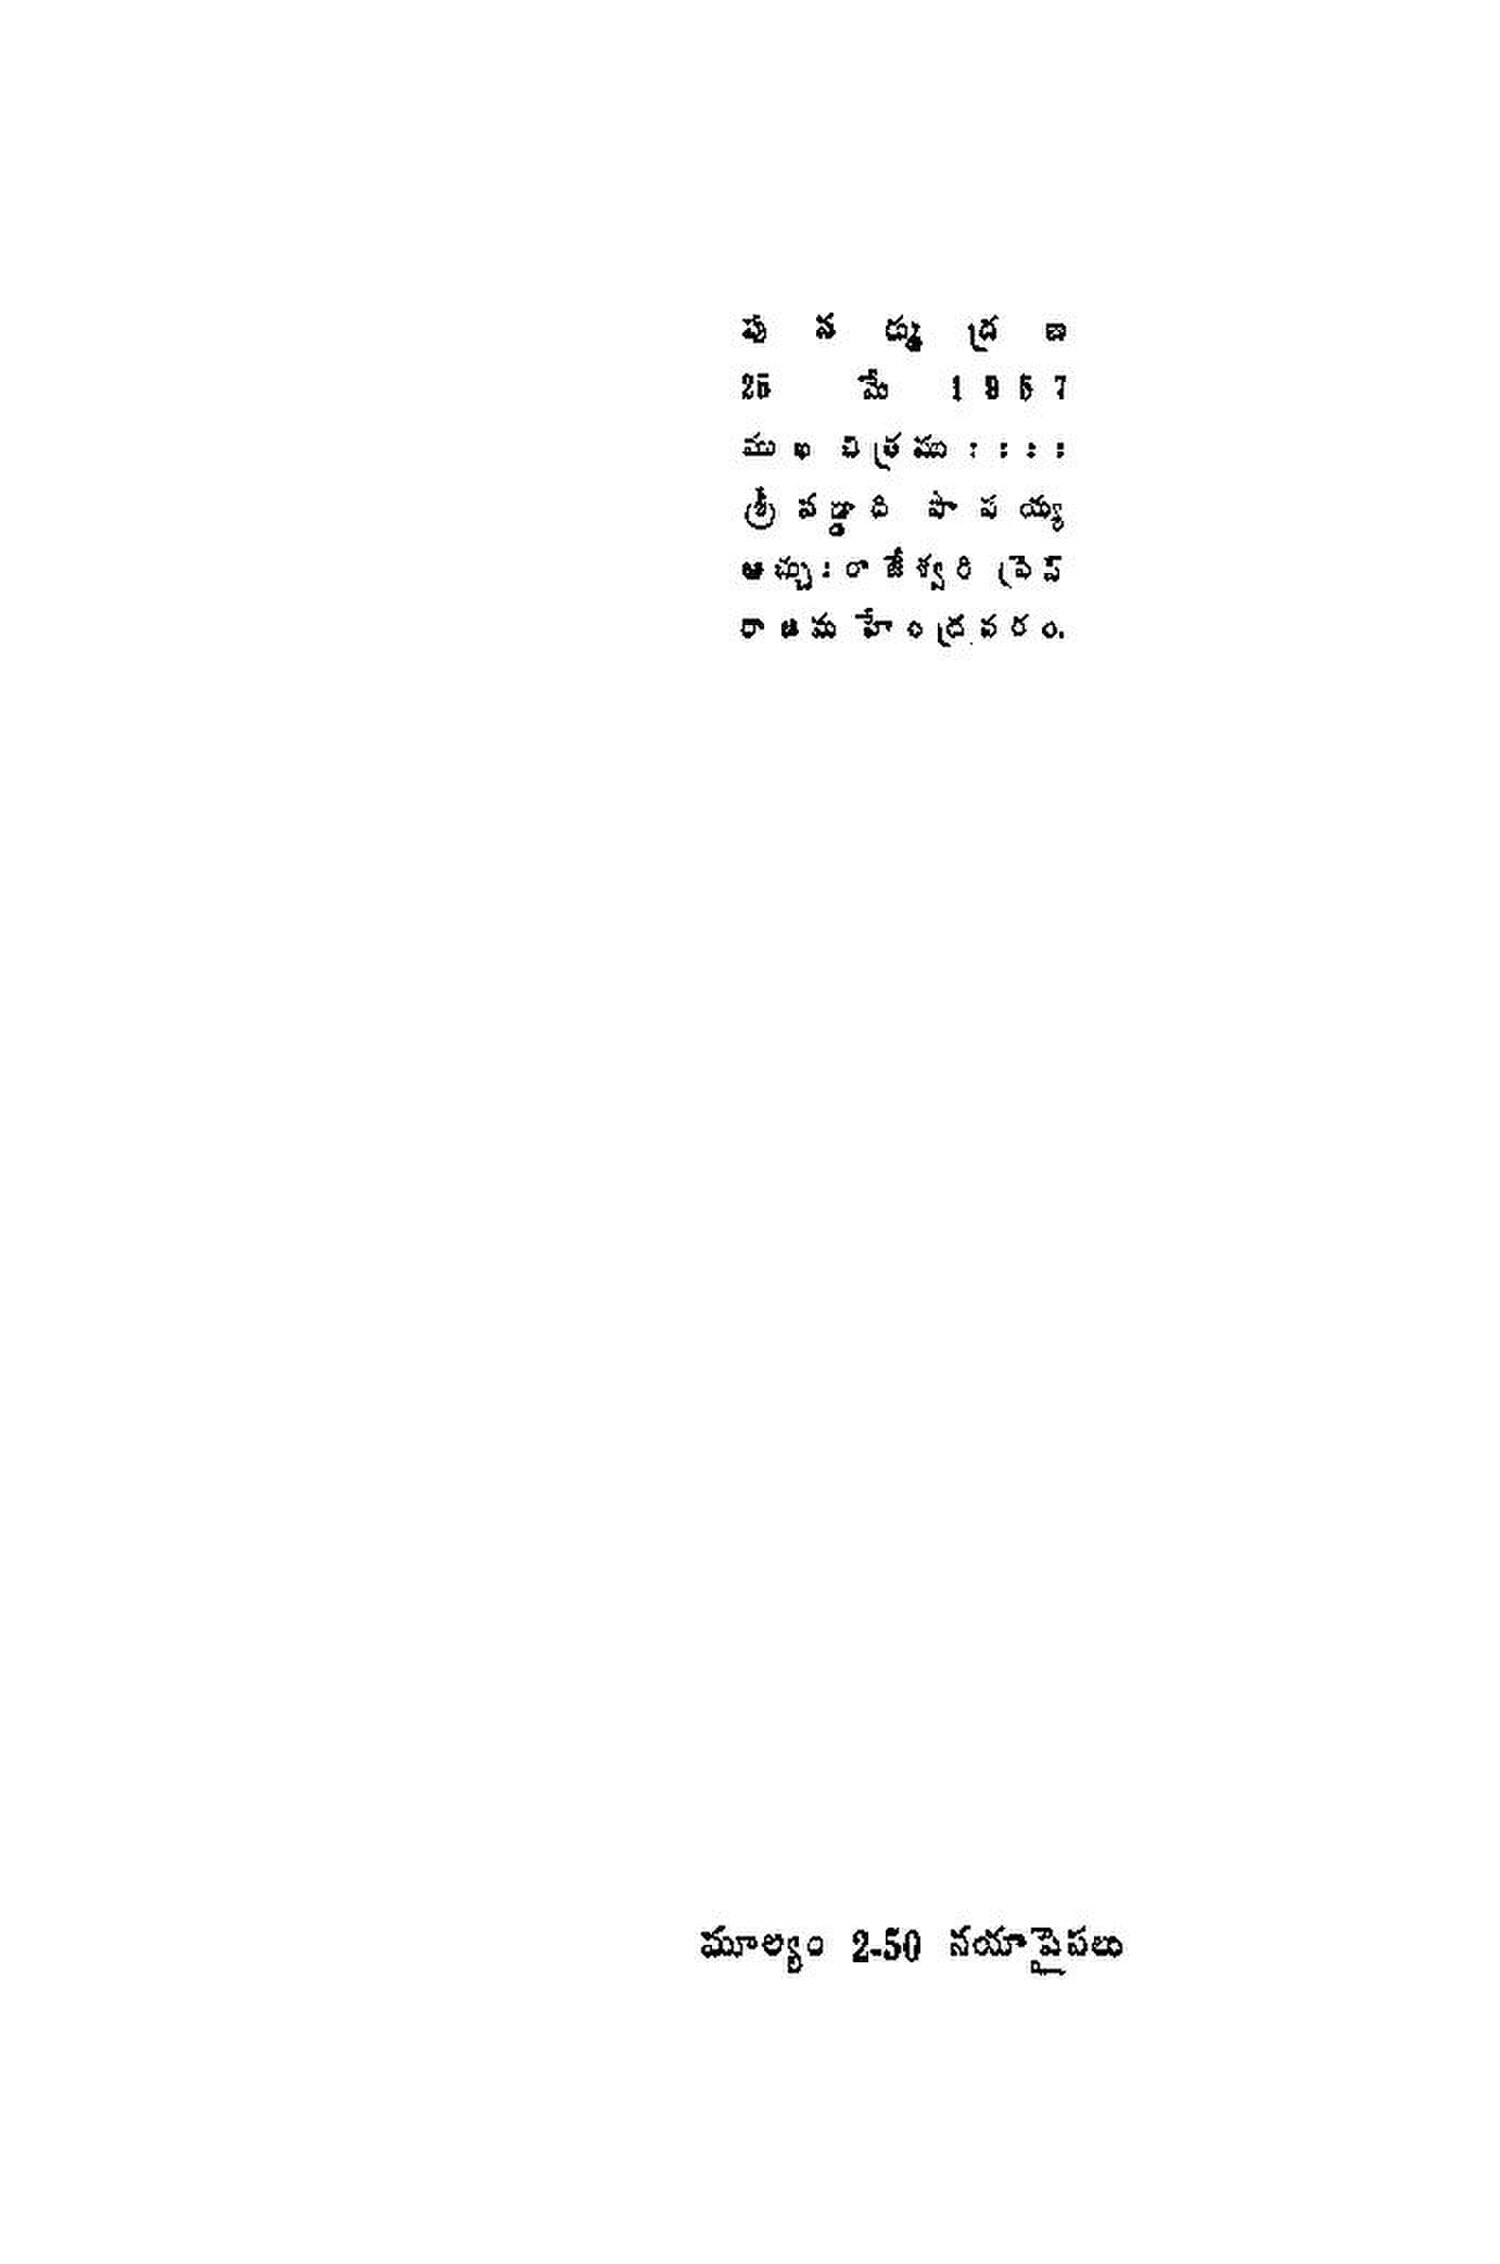పునర్ముద్రణ
25 మే 1957
ముఖ చిత్రము : : : :
శ్రీ వడ్డాది పాపయ్య
అచ్చు : రాజేశ్వరి ప్రెస్
రాజమహేంద్రవరం.